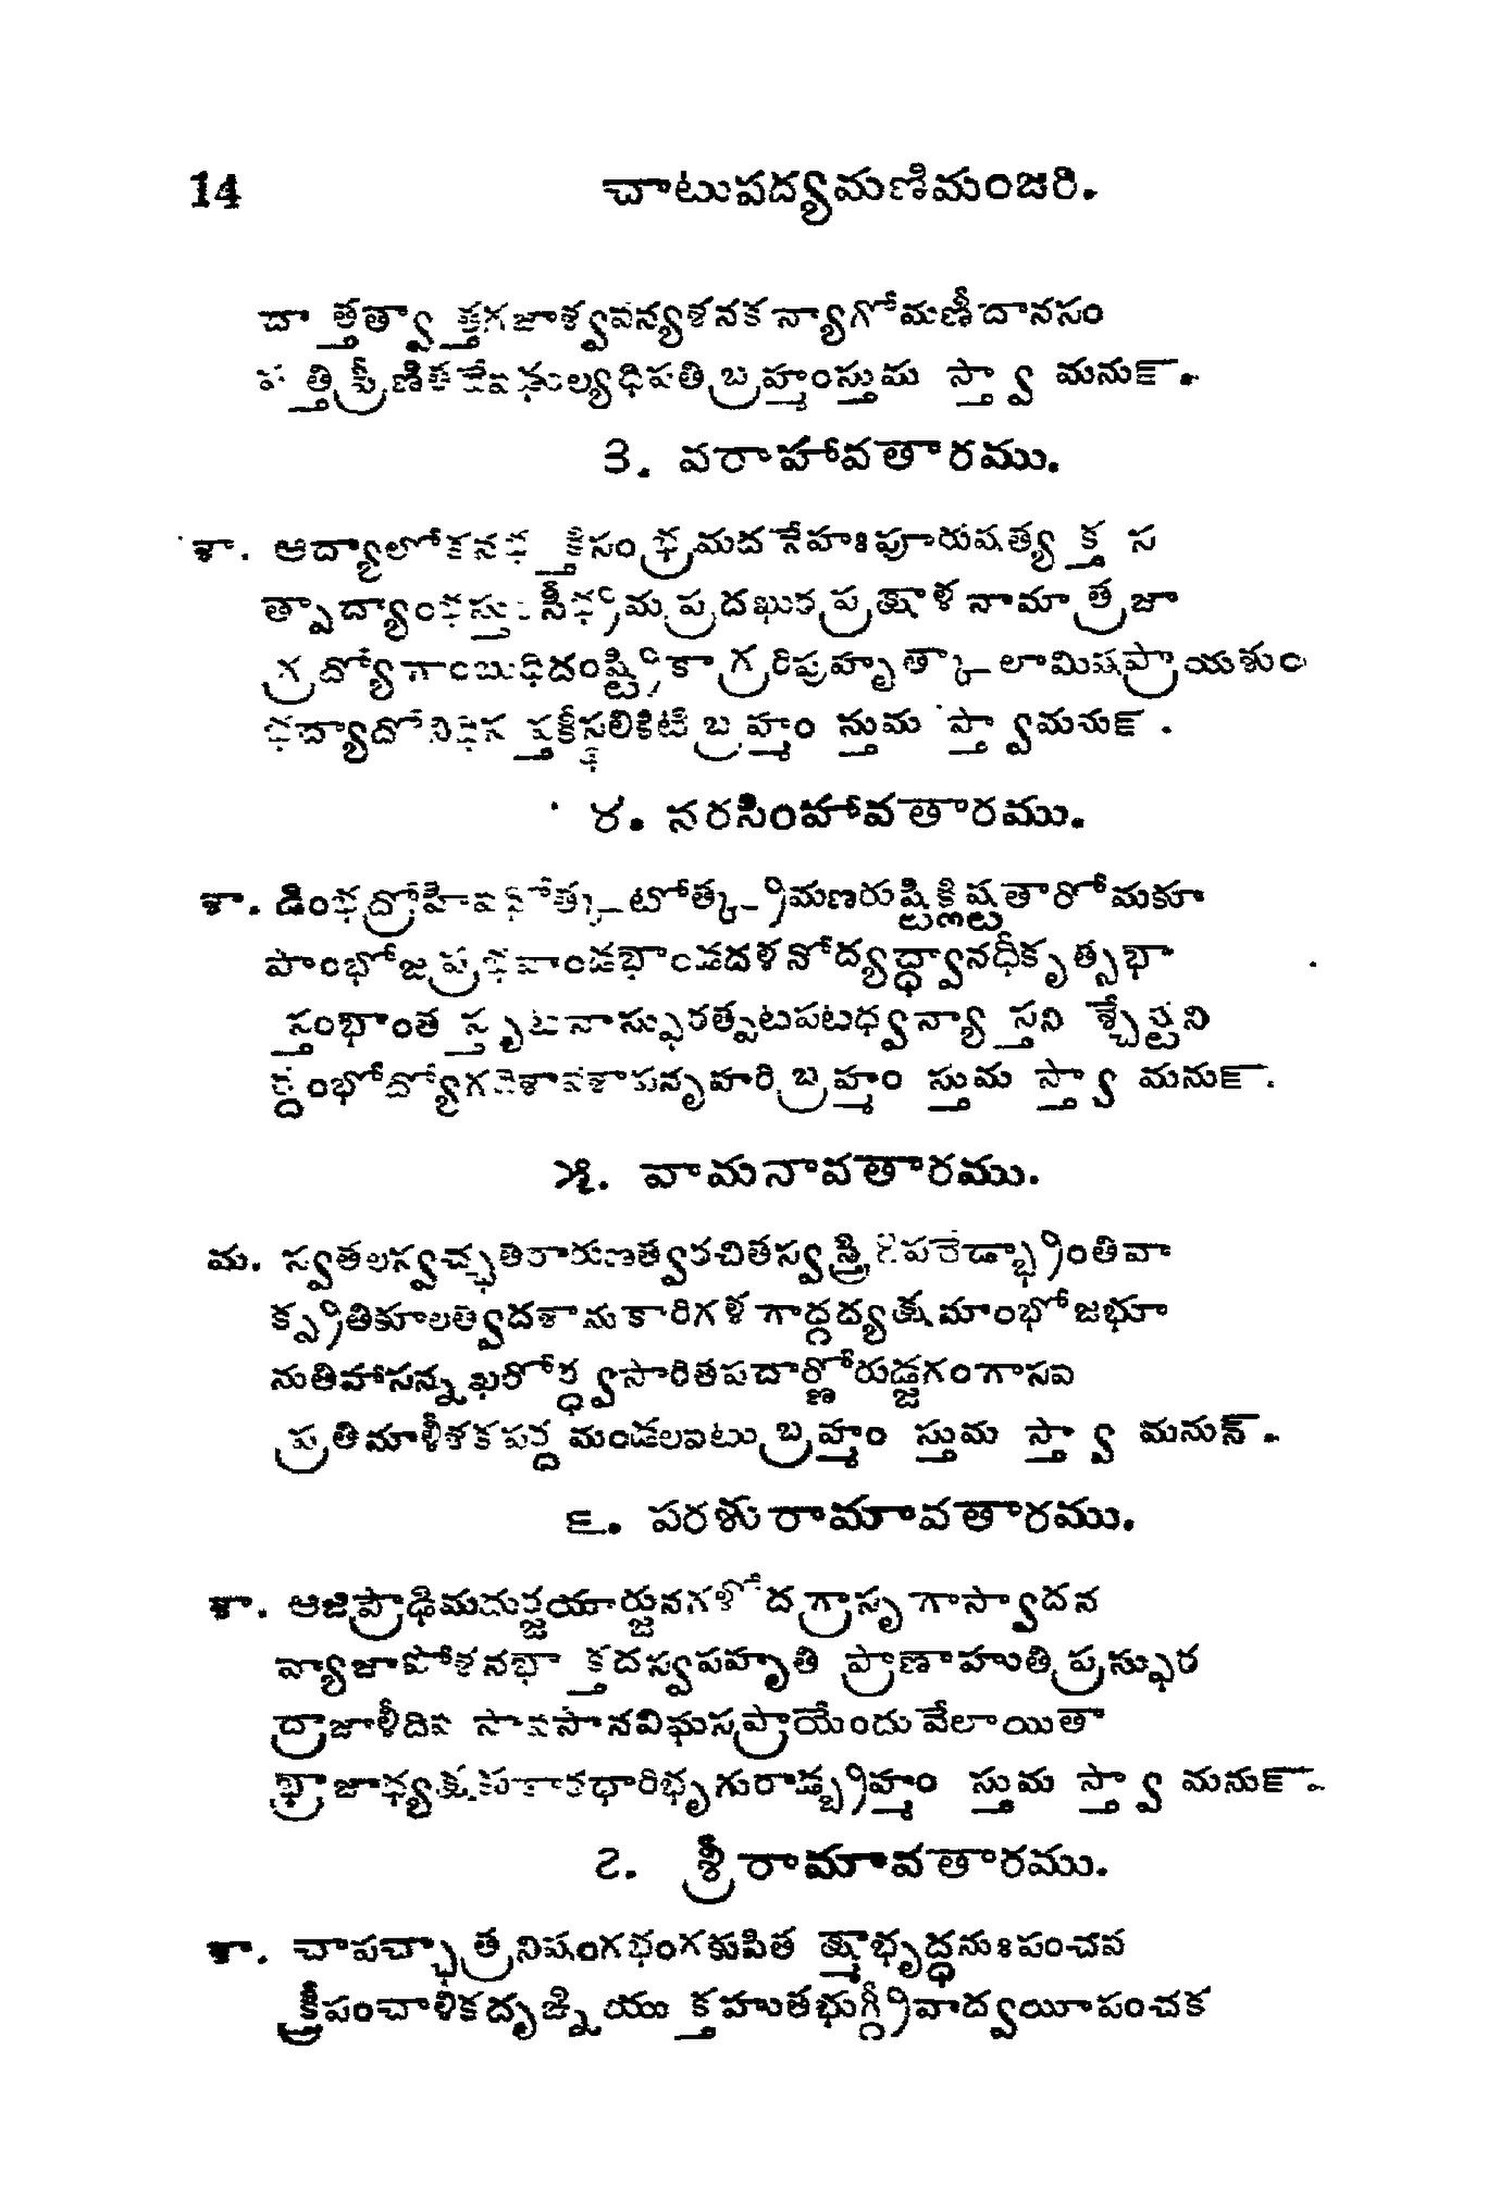దాత్తత్పాత్తగజాశ్వవస్యశనకన్యాగోమణీదానసం
 పత్తి ప్రీణితదేవఢుల్యధిపతి బ్రహ్మన్ స్తుమ స్త్వా మనున్.

శా. ఆద్యాలోకనభక్తిసంభ్రమదనేహఃపూరుషత్యక్త స
 త్పాద్యాంభస్తులసీభ్రమప్దరఖురప్రక్షాళనామాత్ర జా
 గ్రద్యోగాంబుధి దంష్ట్రికాగ్రరిపుహృత్కాలామిషప్రాయ శుం
 భద్యాదోనిధిసప్తకీస్థలికిటి బ్రహ్మం స్తుమ స్త్వా మనున్.

శా. డింభద్రోహివధోత్కటోత్క్రమణరుష్టిక్లిష్టతారోమకూ
 పాంభోజప్రభవాండభాండతళనోద్యద్ద్వానధీకృత్సభా
 స్తంభాంతస్తృటనాస్ఫురత్పటపటధ్వన్యాస్త నిశ్చేష్ట ని
 ర్దంభోద్యోగదిశావశాపనృహరి బ్రహ్మం స్తుమ స్త్వా మనున్.

మ. స్వతలస్వచ్ఛతరారుణత్వరచితస్వస్త్రీః పరేడ్భ్రాంతివా
 క్ప్రతికూలత్వదశానుకారిగళగాద్గద్యక్షమాంభోజభూ
 నుతిహాసన్నఖరోర్ద్వసారితపదార్ణోరుడ్జగంగాసవా
 ప్రతిమాశీశకపర్దమండలపటుబ్రహ్మం స్తుమ స్త్వా మనున్.

శా. ఆజిప్రౌఢిమదుర్జయార్జునగళోదగ్రాసృగాస్వాదన
 వ్యాజాపోశనభాక్తదస్వపహృతి ప్రాణాహుతి ప్రస్ఫుర
 ద్రాజాళీదివసావసానవిఘసప్రాయేందువేలాయితా
 భ్రాజాధ్యక్షకురారధరిభృగురాడ్బ్రహ్మం స్తుమ స్త్వా మనున్.

శా. చాపచ్ఛాత్రనిషంగ భంగ కుపిత క్ష్మాభృద్ధనుః పంచవ
 క్త్రీపంచాళికదృఙ్నియుక్తహుత భుగ్గ్రీవాద్వయీ పంచక